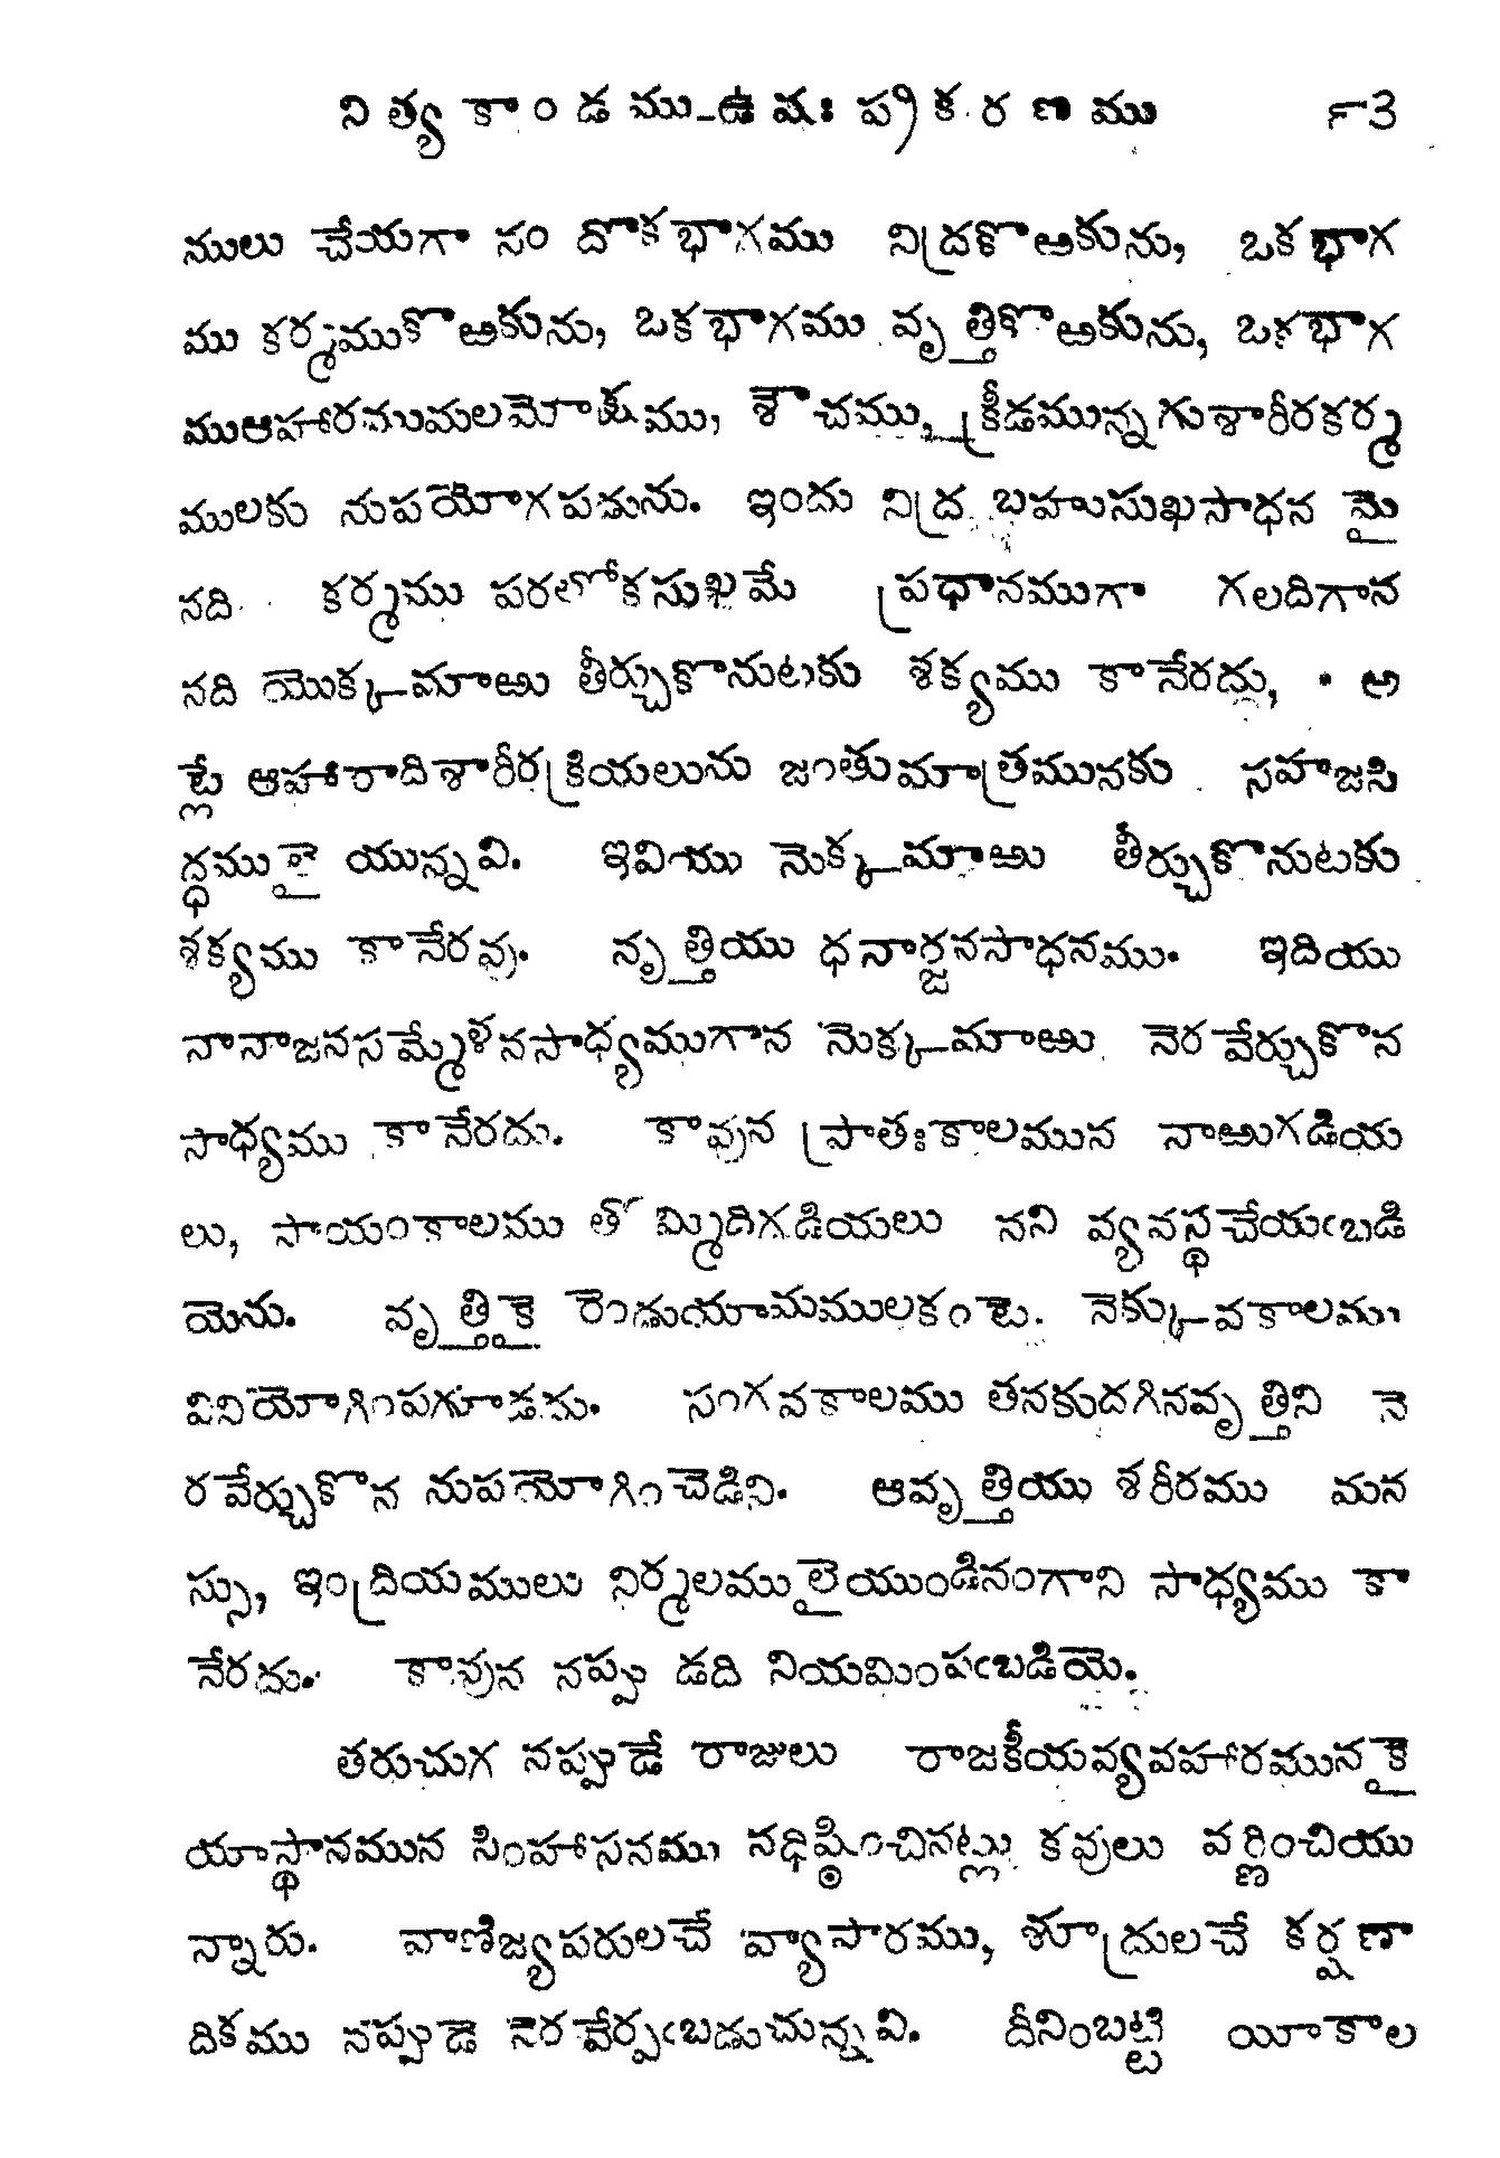ములు చేయగా సం దొకభాగము నిద్రకొఱకును, ఒకభాగము కర్మముకొఱకును, ఒకభాగము వృత్తికొఱకును, ఒకభాగముఆహారముమలమోక్షము, శౌచము, క్రీడమున్నగుశారీరకర్మములకు నుపయోగపడును. ఇందు నిద్ర బహుసుఖసాధన మైనది. కర్మము పరలోకసుఖమే ప్రధానముగా గలదిగాన నది యొక్కమాఱు తీర్చుకొనుటకు శక్యము కానేరదు. అట్లే ఆహారాదిశారీరక్రియలును జంతుమాత్రమునకు సహజసిద్ధములై యున్నవి. ఇవియు నొక్కమాఱు తీర్చుకొనుటకు శక్యము కానేరవు. వృత్తియు ధనార్జనసాధనము. ఇదియు
నానాజనసమ్మేళనసాధ్యముగాన నొక్కమాఱు నెరవేర్చుకొన సాధ్యము కానేరదు. కావున ప్రాతఃకాలమున నాఱుగడియలు, సాయంకాలము తొమ్మిదిగడియలు నని వ్యవస్థచేయఁబడియెను. వృత్తికై రెండుయామములకంటె నెక్కువకాలము వినియోగింపగూడదు. సంగవకాలము తనకుదగినవృత్తిని నెరవేర్చుకొన నుపయోగించెడిని. ఆవృత్తియు శరీరము మనస్సు, ఇంద్రియములు నిర్మలములైయుండినంగాని సాధ్యము కానేరదు. కావున నప్పు డది నియమింపఁబడియె.

తరుచుగ నప్పుడే రాజులు రాజకీయవ్యవహారమునకై యాస్థానమున సింహాసనము నధిష్ఠించినట్లు కవులు వర్ణించియున్నారు. వాణిజ్యపరులచే వ్యాపారము, శూద్రులచే కర్షణాదికము నప్పుడె నెరవేర్పఁబడుచున్నవి. దీనింబట్టి యీకాల